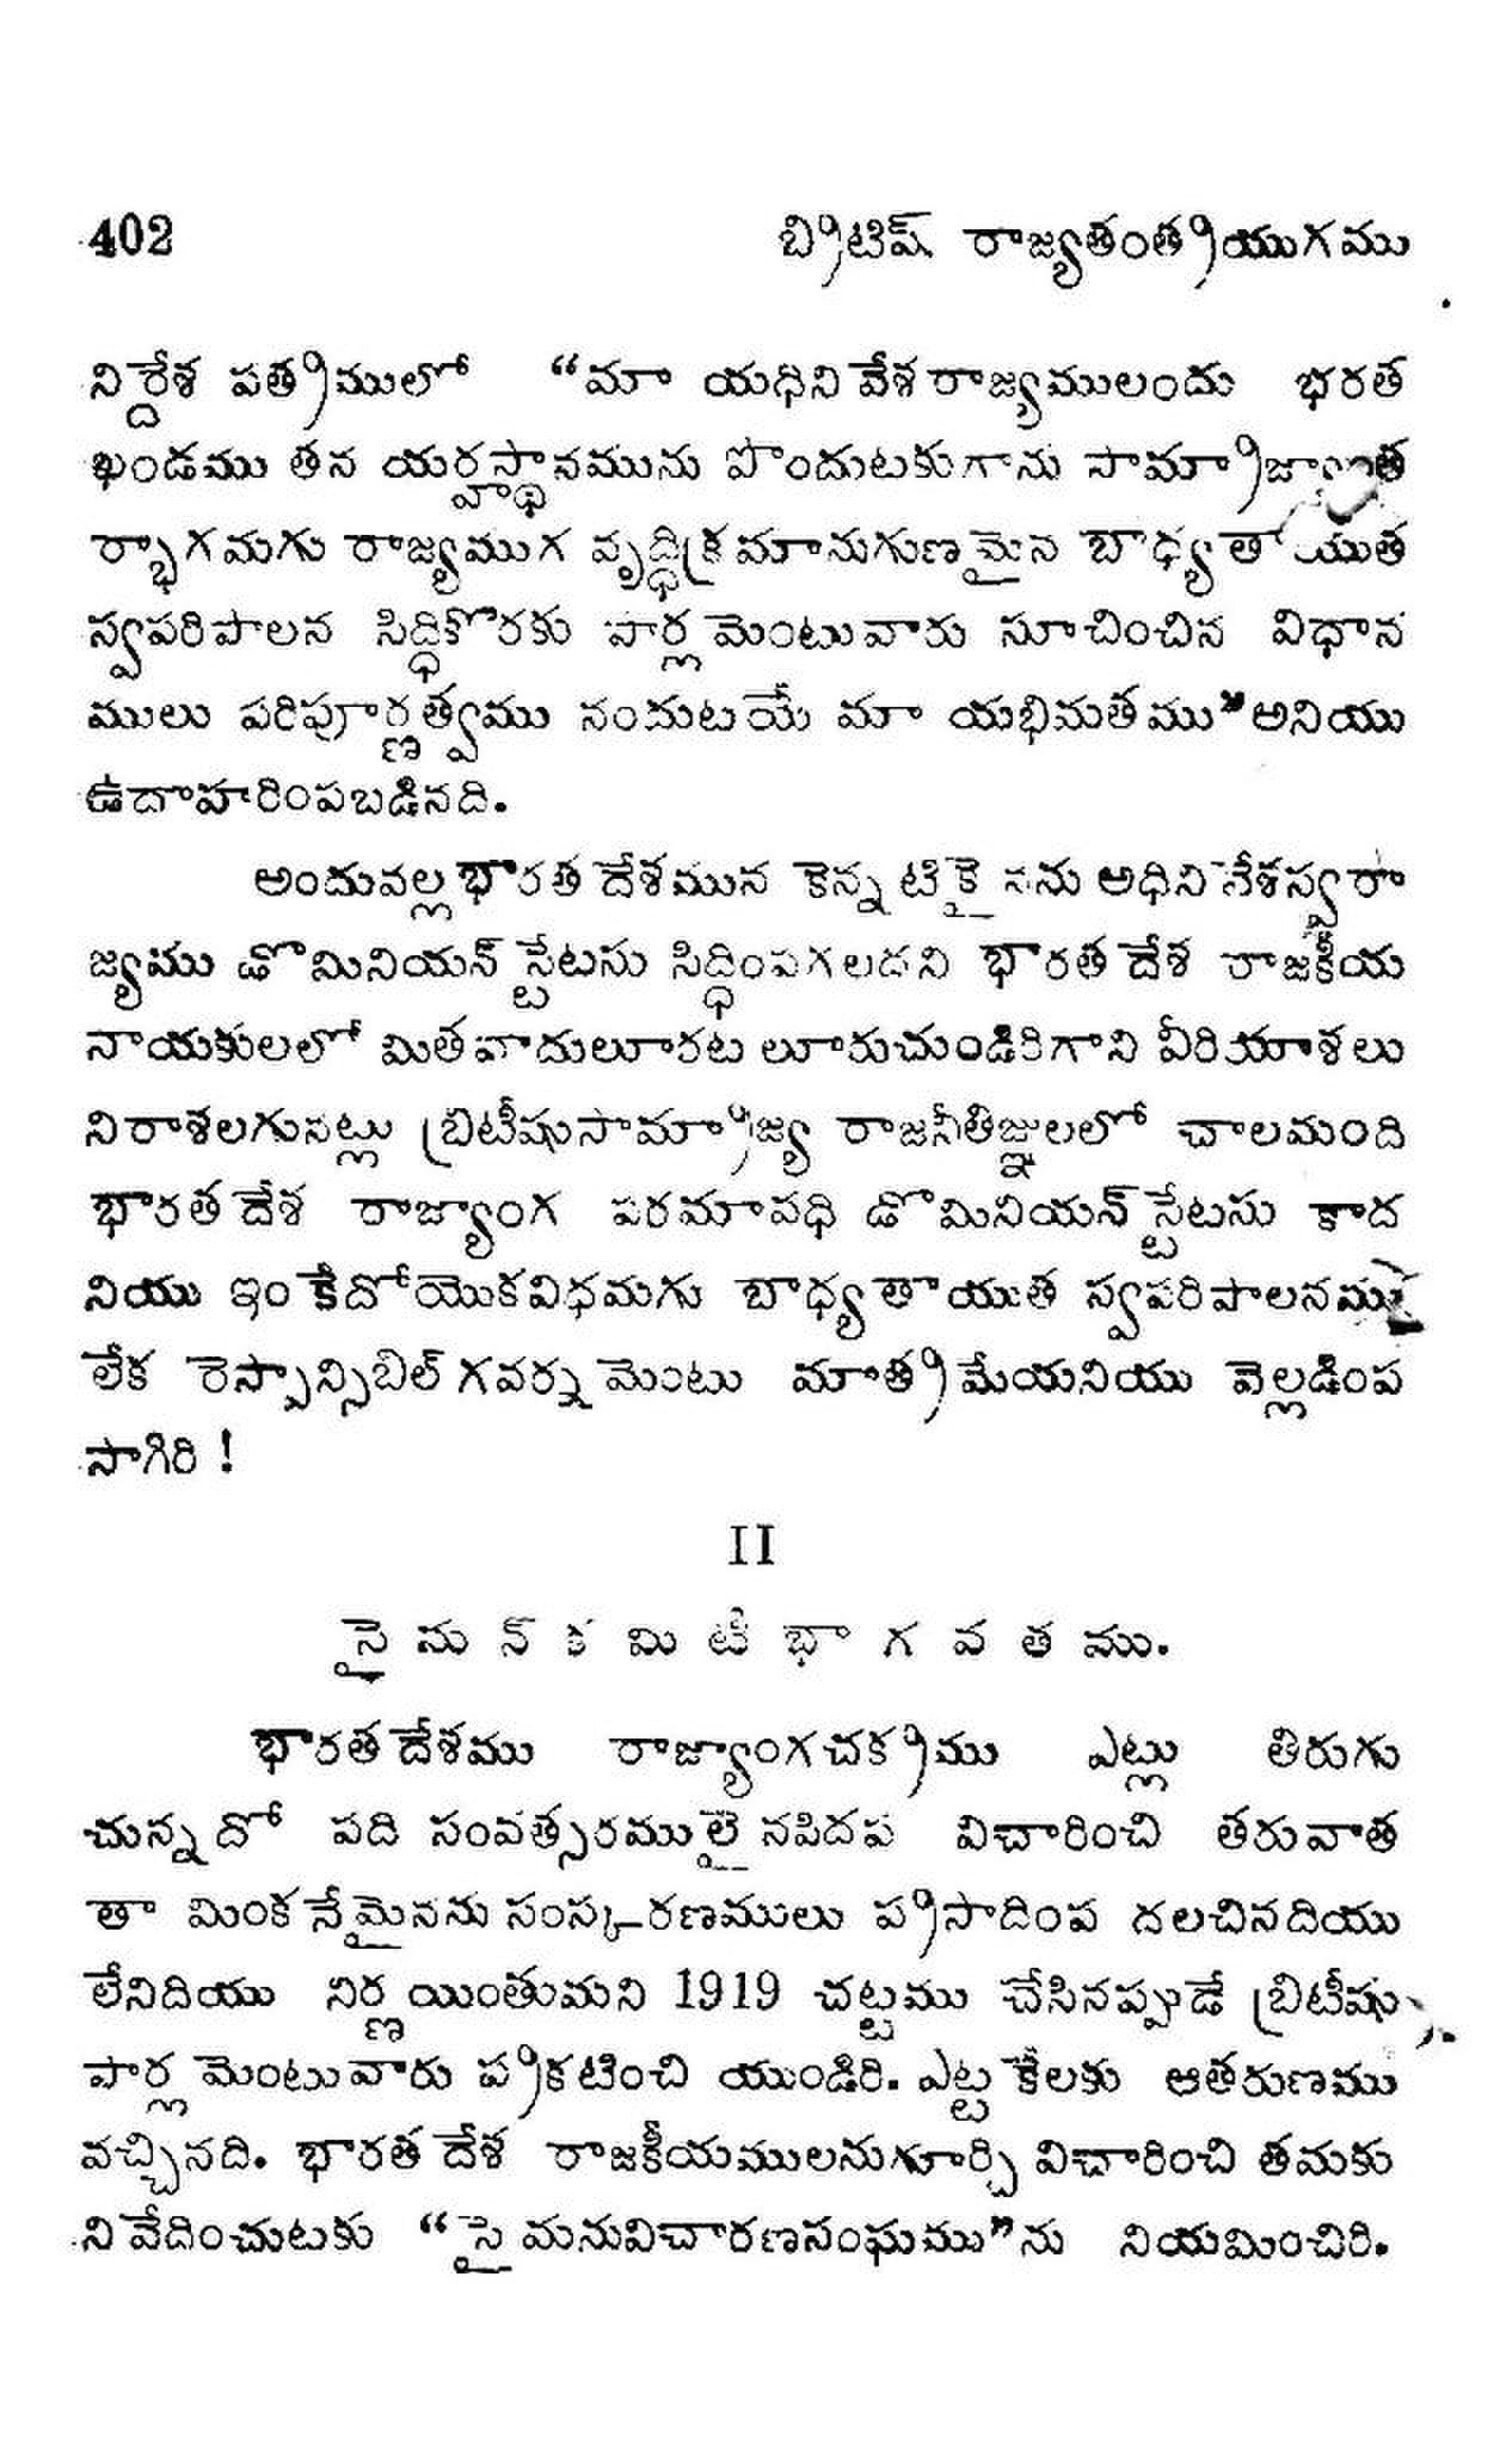నిర్దేశ పత్రములో “మా యధినివేశరాజ్యములందు. భరతఖండము తన యర్హస్థానమును పొందుటకుగాను సామ్రాజాంతర్భాగమగు రాజ్యముగ వృద్ధిక్రమానుగుణమైన బాధ్యతాయుత స్వపరిపాలన సిద్దికొరకు పార్లమెంటువారు సూచించిన విధానములు పరిపూర్ణత్వము నందుటయే మా యభిమతము" అనియు ఉదాహరింపబడినది.

అందువల్లభారతదేశమున కెన్నటికైనను అధినివేశస్వరాజ్యము డొమినియన్ స్టేటసు సిద్ధింపగలదని భారతదేశ రాజకీయనాయకులలో మితవాదులూరట లూరుచుండిరిగాని వీరియాశలు నిరాశలగునట్లు బ్రిటీషుసామ్రాజ్య రాజనీతిజ్ఞులలో చాలమంది భారతదేశ రాజ్యాంగ పరమావధి డొమినియన్ స్టేటసు కాదనియు ఇంకేదోయొకవిధమగు బాధ్యతాయుత స్వపరిపాలనము లేక రెస్పాన్సిబిల్ గవర్నమెంటు మాత్రమేయనియు వెల్లడింపసాగిరి !

II 
సైమన్ కమిటీ భాగవతము.

భారతదేశము రాజ్యాంగచక్రము ఎట్లు తిరుగుచున్నదో పది సంవత్సరములైనపిదప విచారించి తరువాత తా మింకనేమైనను సంస్కరణములు ప్రసాదింప దలచినదియు లేనిదియు నిర్ణయింతుమని 1919 చట్టము చేసినప్పుడే బ్రిటీషు పార్లమెంటువారు ప్రకటించి యుండిరి. ఎట్టకేలకు ఆతరుణము వచ్చినది. భారతదేశ రాజకీయములనుగూర్చి విచారించి తమకు నివేదించుటకు " సైమనువిచారణసంఘము" ను నియమించిరి.